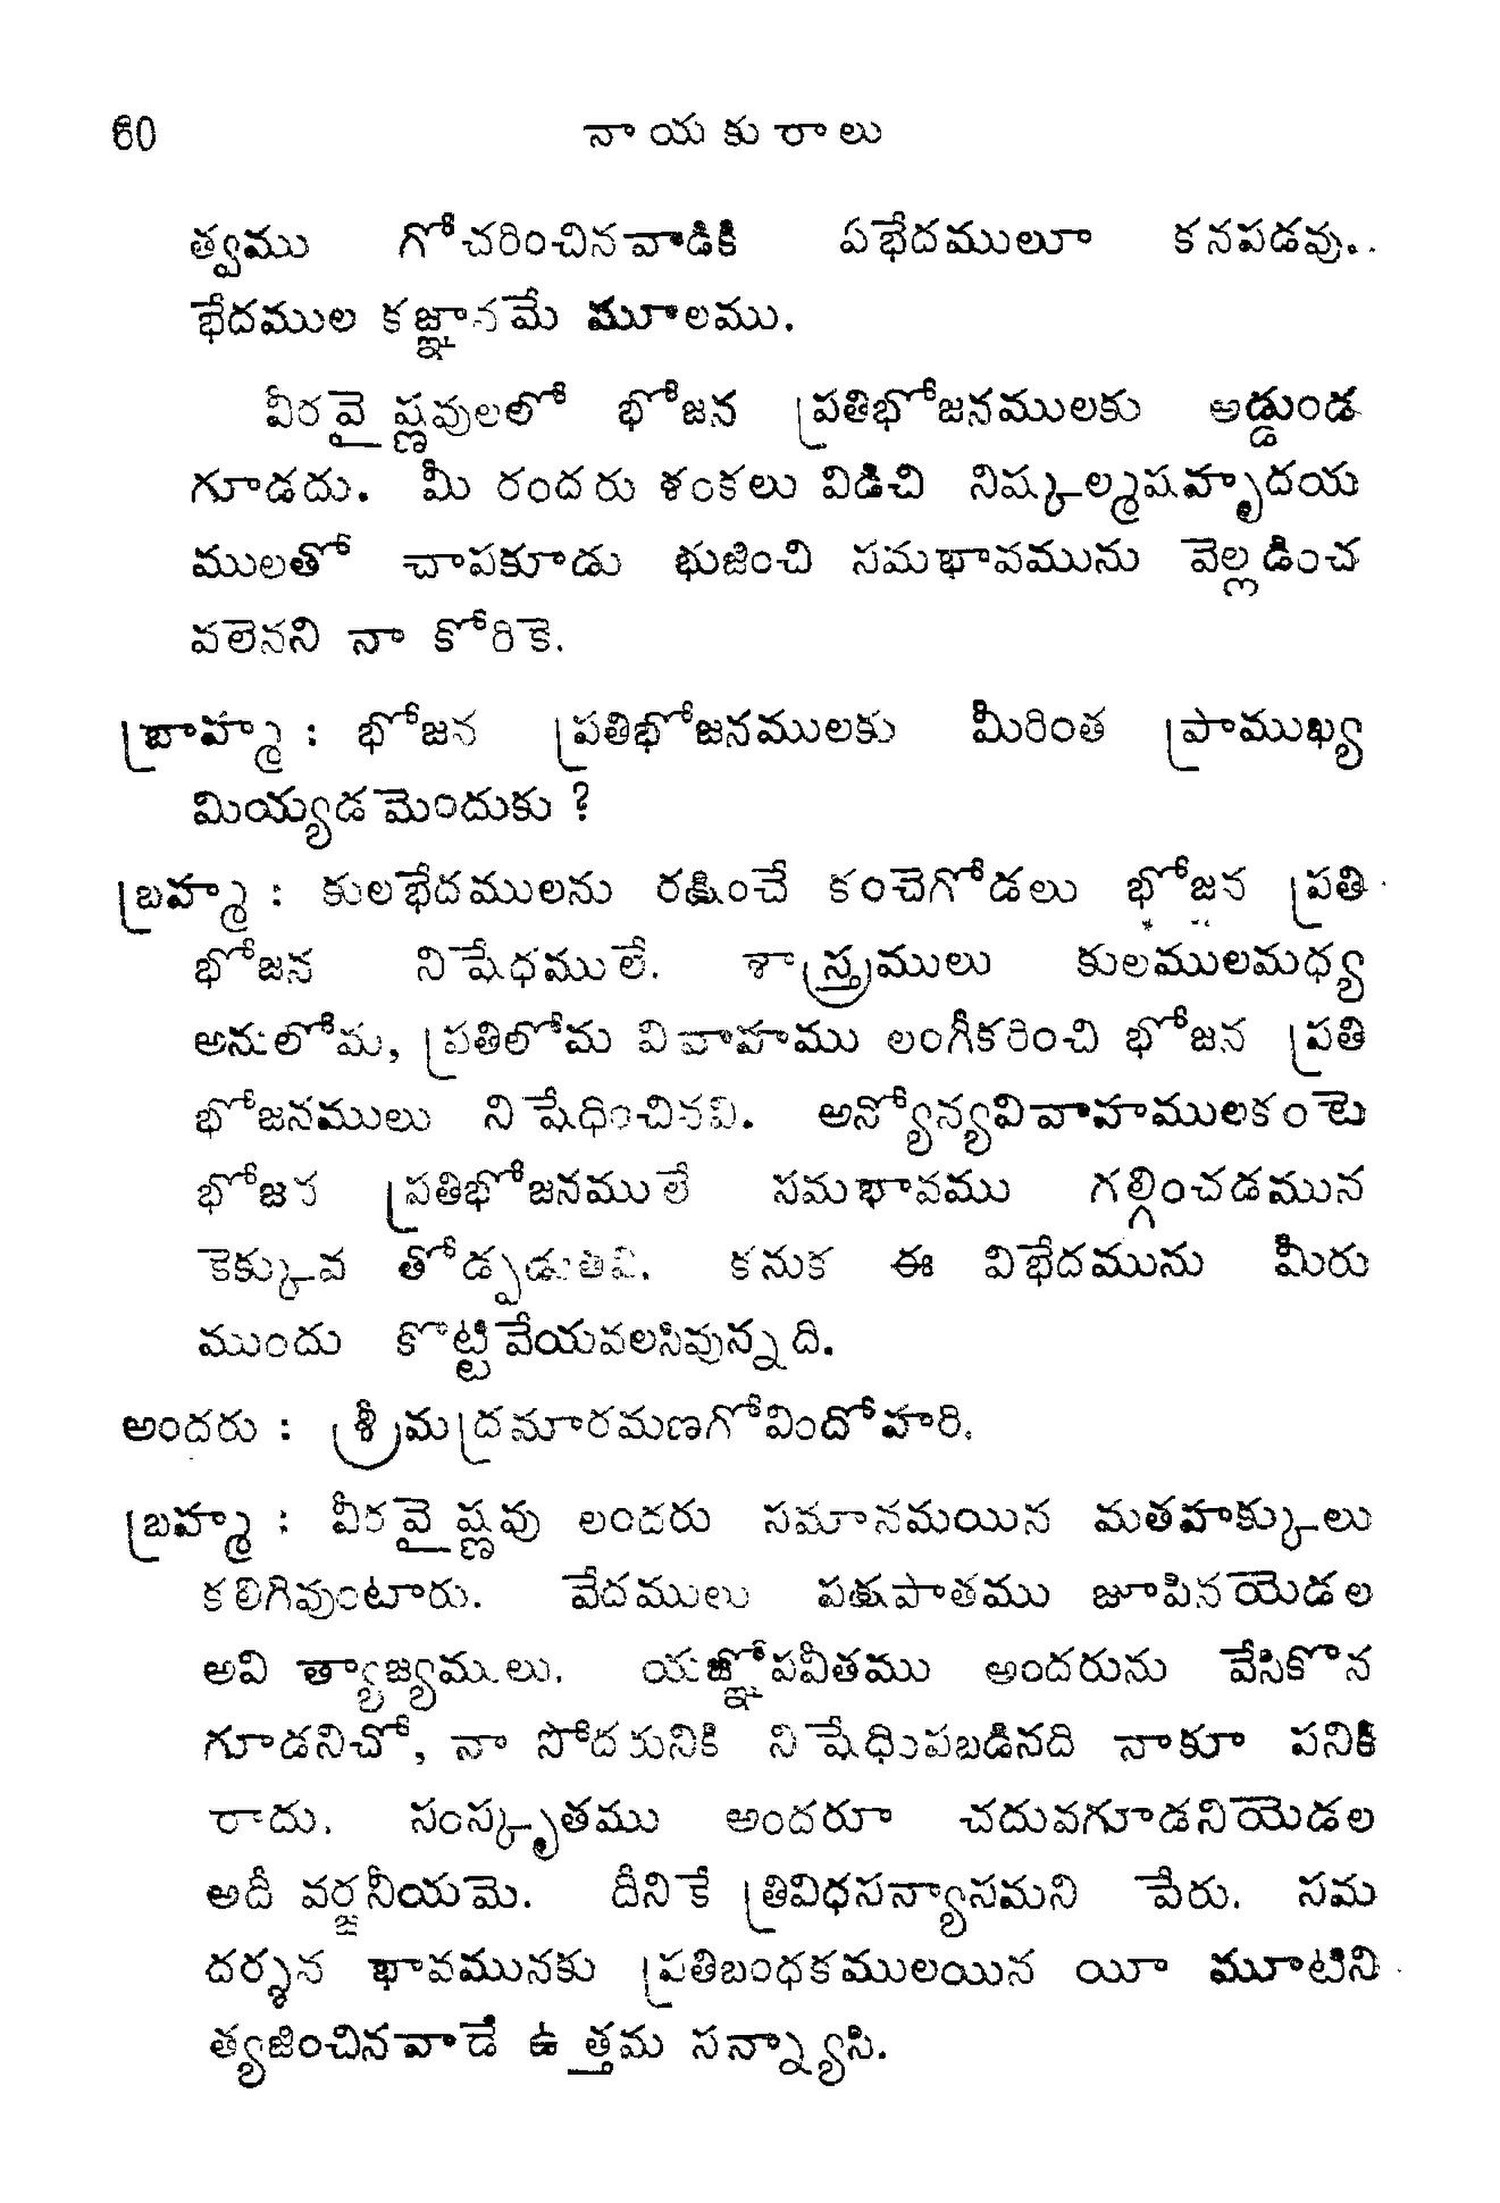త్వము గోచరించినవాడికి ఏభేదములూ కనపడవు. భేదముల కజ్ఞానమే మూలము.

వీరవైష్ణవులలో భోజన ప్రతిభోజనములకు అడ్డుండ గూడదు. మీ రందరు శంకలు విడిచి నిష్కల్మష హృదయములతో చాపకూడు భుజించి సమభావమును వెల్లడించవలెనని నా కోరికె.

బ్రాహ్మ : భోజన ప్రతిభోజనములకు మరింత ప్రాముఖ్య మియ్యడమెందుకు ?

బ్రహ్మ : కులభేదములను రక్షించే కంచెగోడలు భోజన ప్రతిభోజన నిషేధములే. శాస్త్రములు కులములమధ్య అనులోమ, ప్రతిలోమ వివాహము లంగీకరించి భోజన ప్రతిభోజనములు నిషేధించినవి. అన్యోన్యవివాహములకంటె భోజన ప్రతిభోజనములే సమభావము గల్గించడమున
కెక్కువ తోడ్పడతవి. కనుక ఈ విభేదమును మీరు ముందు కొట్టివేయవలసివున్నది.

అందరు : శ్రీమద్రమారమణగోవిందో హరి,

బ్రహ్మ : వీరవైష్ణవు లందరు సమానమయిన మతహక్కులు కలిగివుంటారు. వేదములు పక్షపాతము జూపినయెడల అవి త్యాజ్యములు, యజ్ఞోపవీతము అందరును వేసికొన గూడనిచో, నా సోదరునికి నిషేధింపబడినది నాకూ పనికిరాదు. సంస్కృతము అందరూ చదువగూడనియెడలఅదీ వర్జనీయమె. దీనికే త్రివిధసన్యాసమని పేరు. సమదర్శన భావమునకు ప్రతిబంధకములయిన యీ మూటిని త్యజించినవాడే ఉత్తమ సన్న్యాసి.